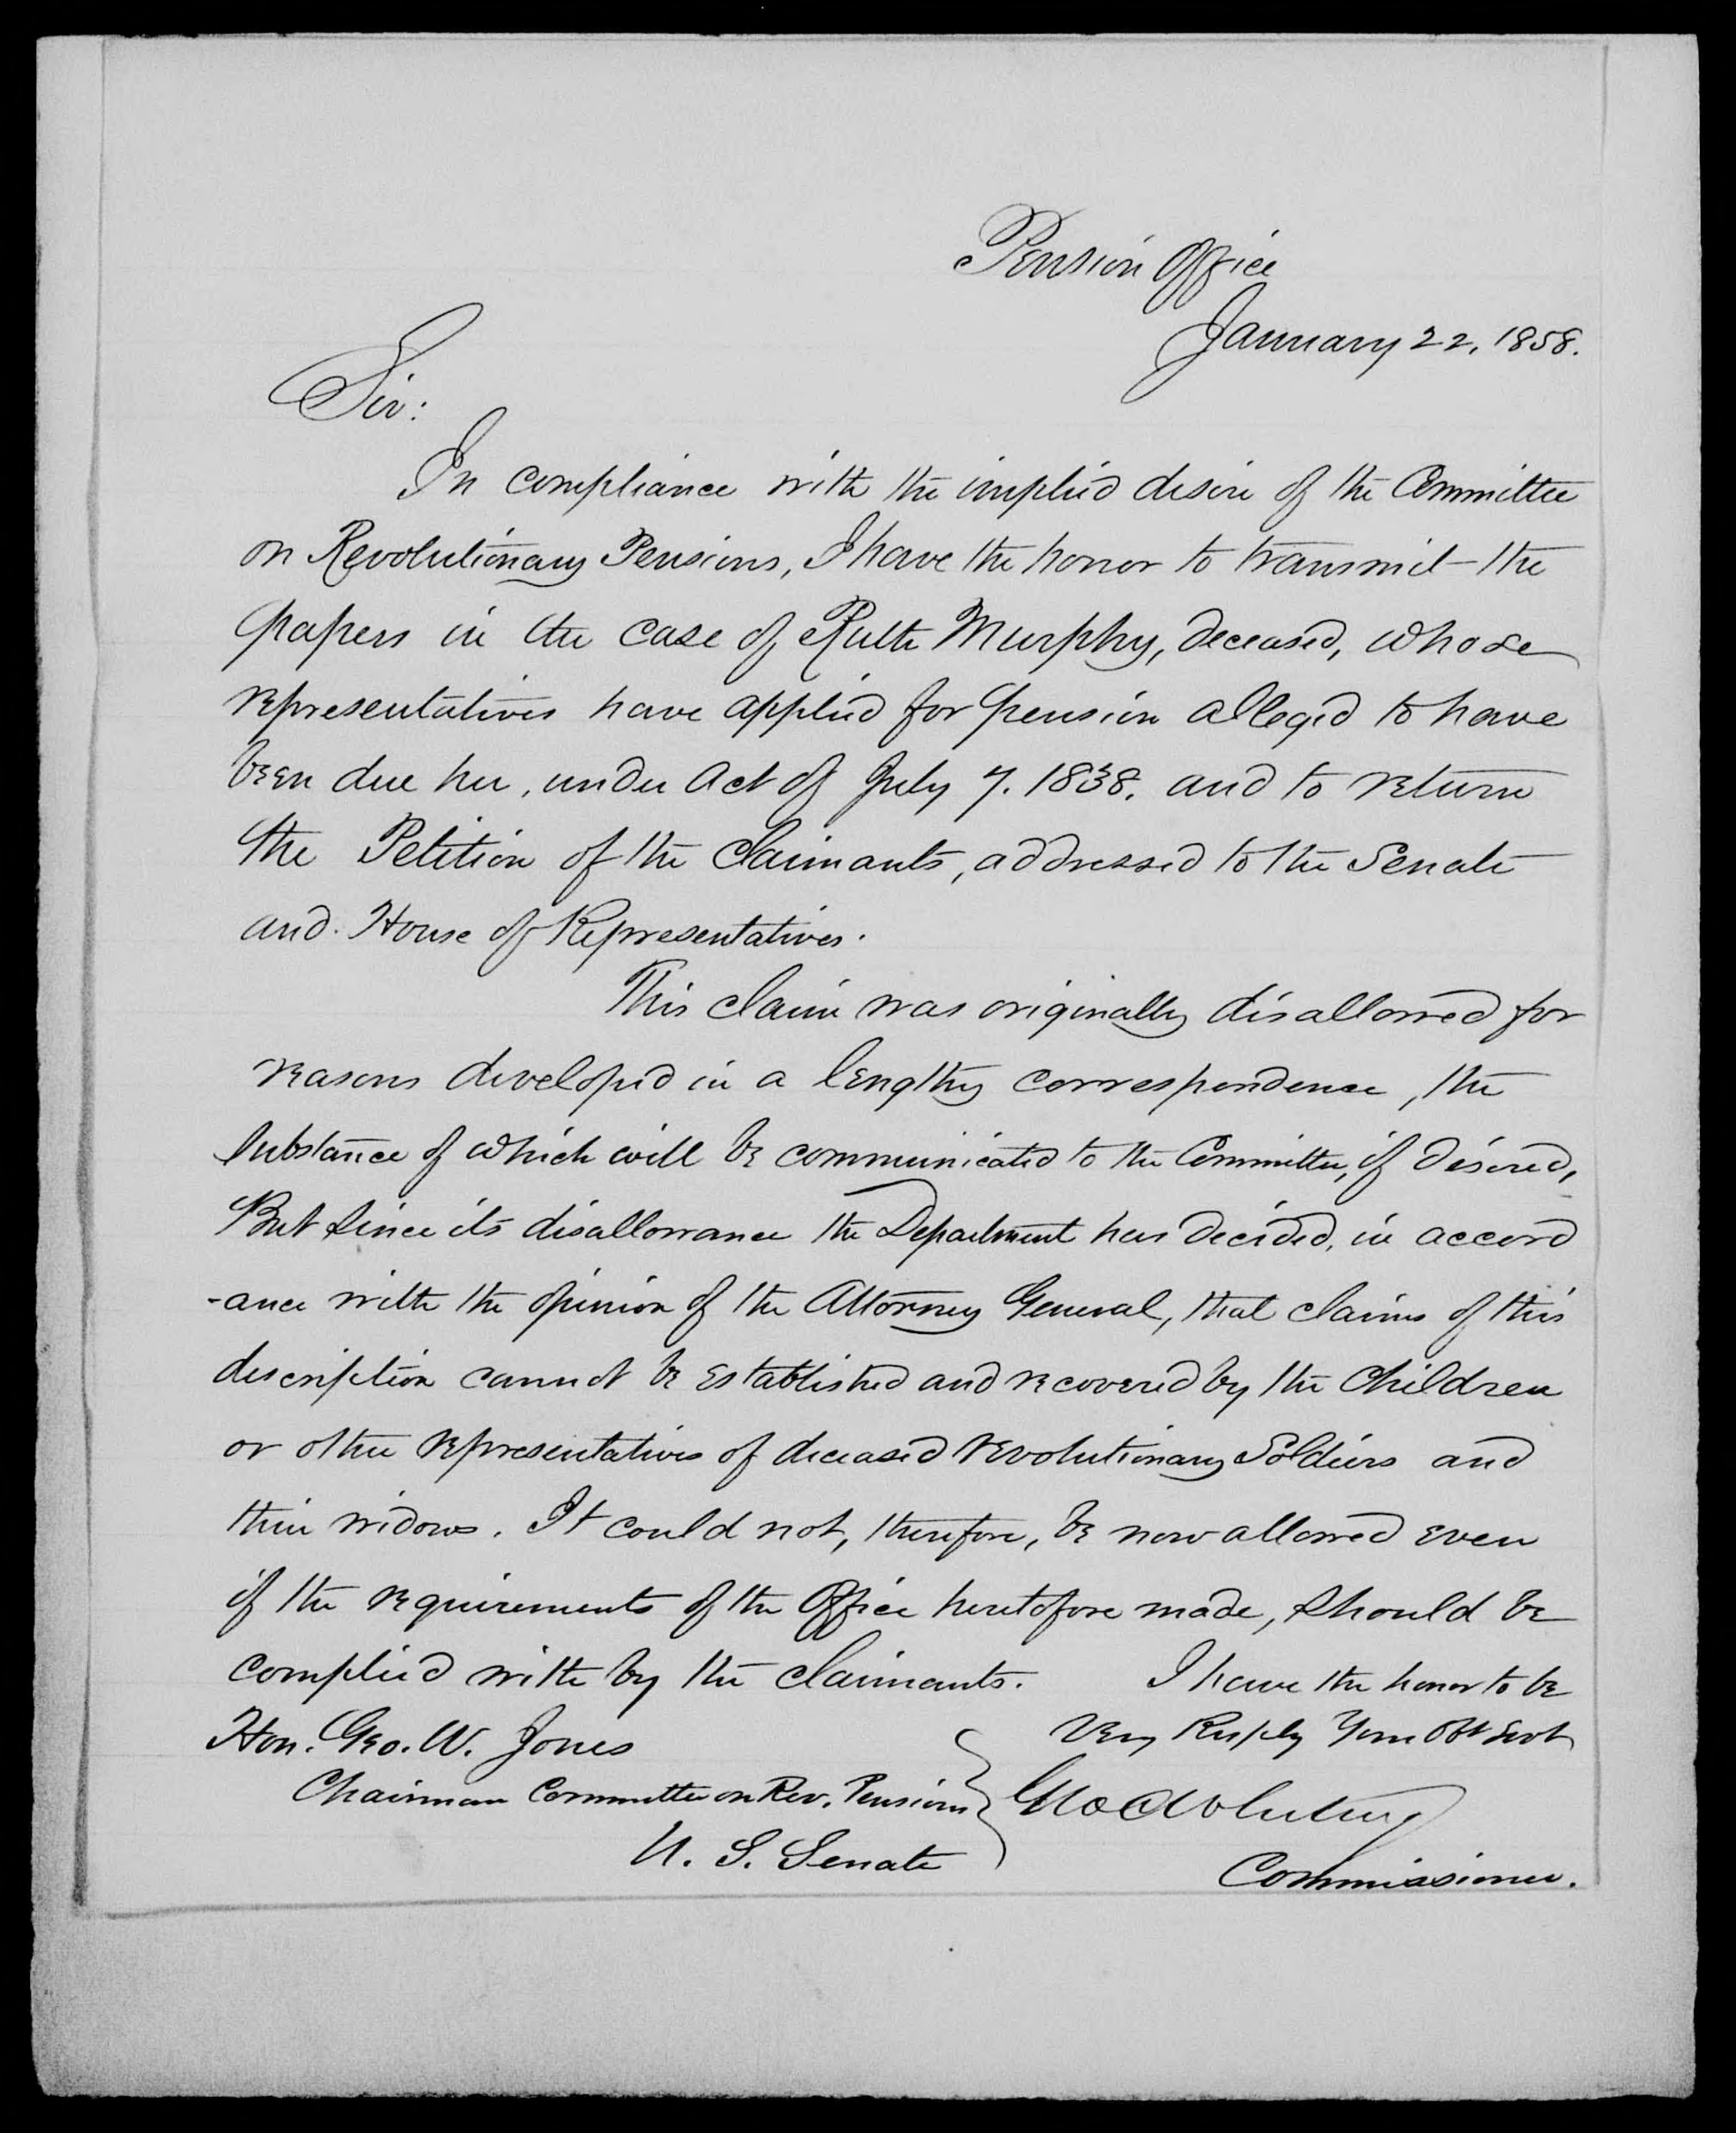Pension Office
January 22, 1858
Sir:
In Compliance with the implied desire of the Committee of Revolutionary Pensions, I have the honor to transmit the papers in the case of Ruth Murphy, deceased whose representatives have applied for pension alleged to have been due her, under Act of July 7, 1838, and to return the Petition of the Claimants, addressed to the Senate and House of Representatives. 
This Claim was originally disallowed for reasons developed in a lengthy correspondense, the substance of which will be communicated to the Committee if desired, But since its disallowance the Department has decided, in accordance with the opinion of the Attorney General, that claims of this description cannot be established and recovered by the children or the representatives of deceased Revolutionary Soldiers and their widows. It could not, therefore, be now allowed even if the requirements of the Office heretofore made, should be complied with by the claimants. I have the honor to be Very Resply Your [illegible] Servt
Hon. Geo. W. Jones
Chairman Committee of Rev. Pension
U.S. Senate
[Illegible] Commission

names: Ruth Murphy, Geo W Jones, Geo C Whiting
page: 48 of 108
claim: rejected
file: R. 7,515, John Hudgins, N.C.